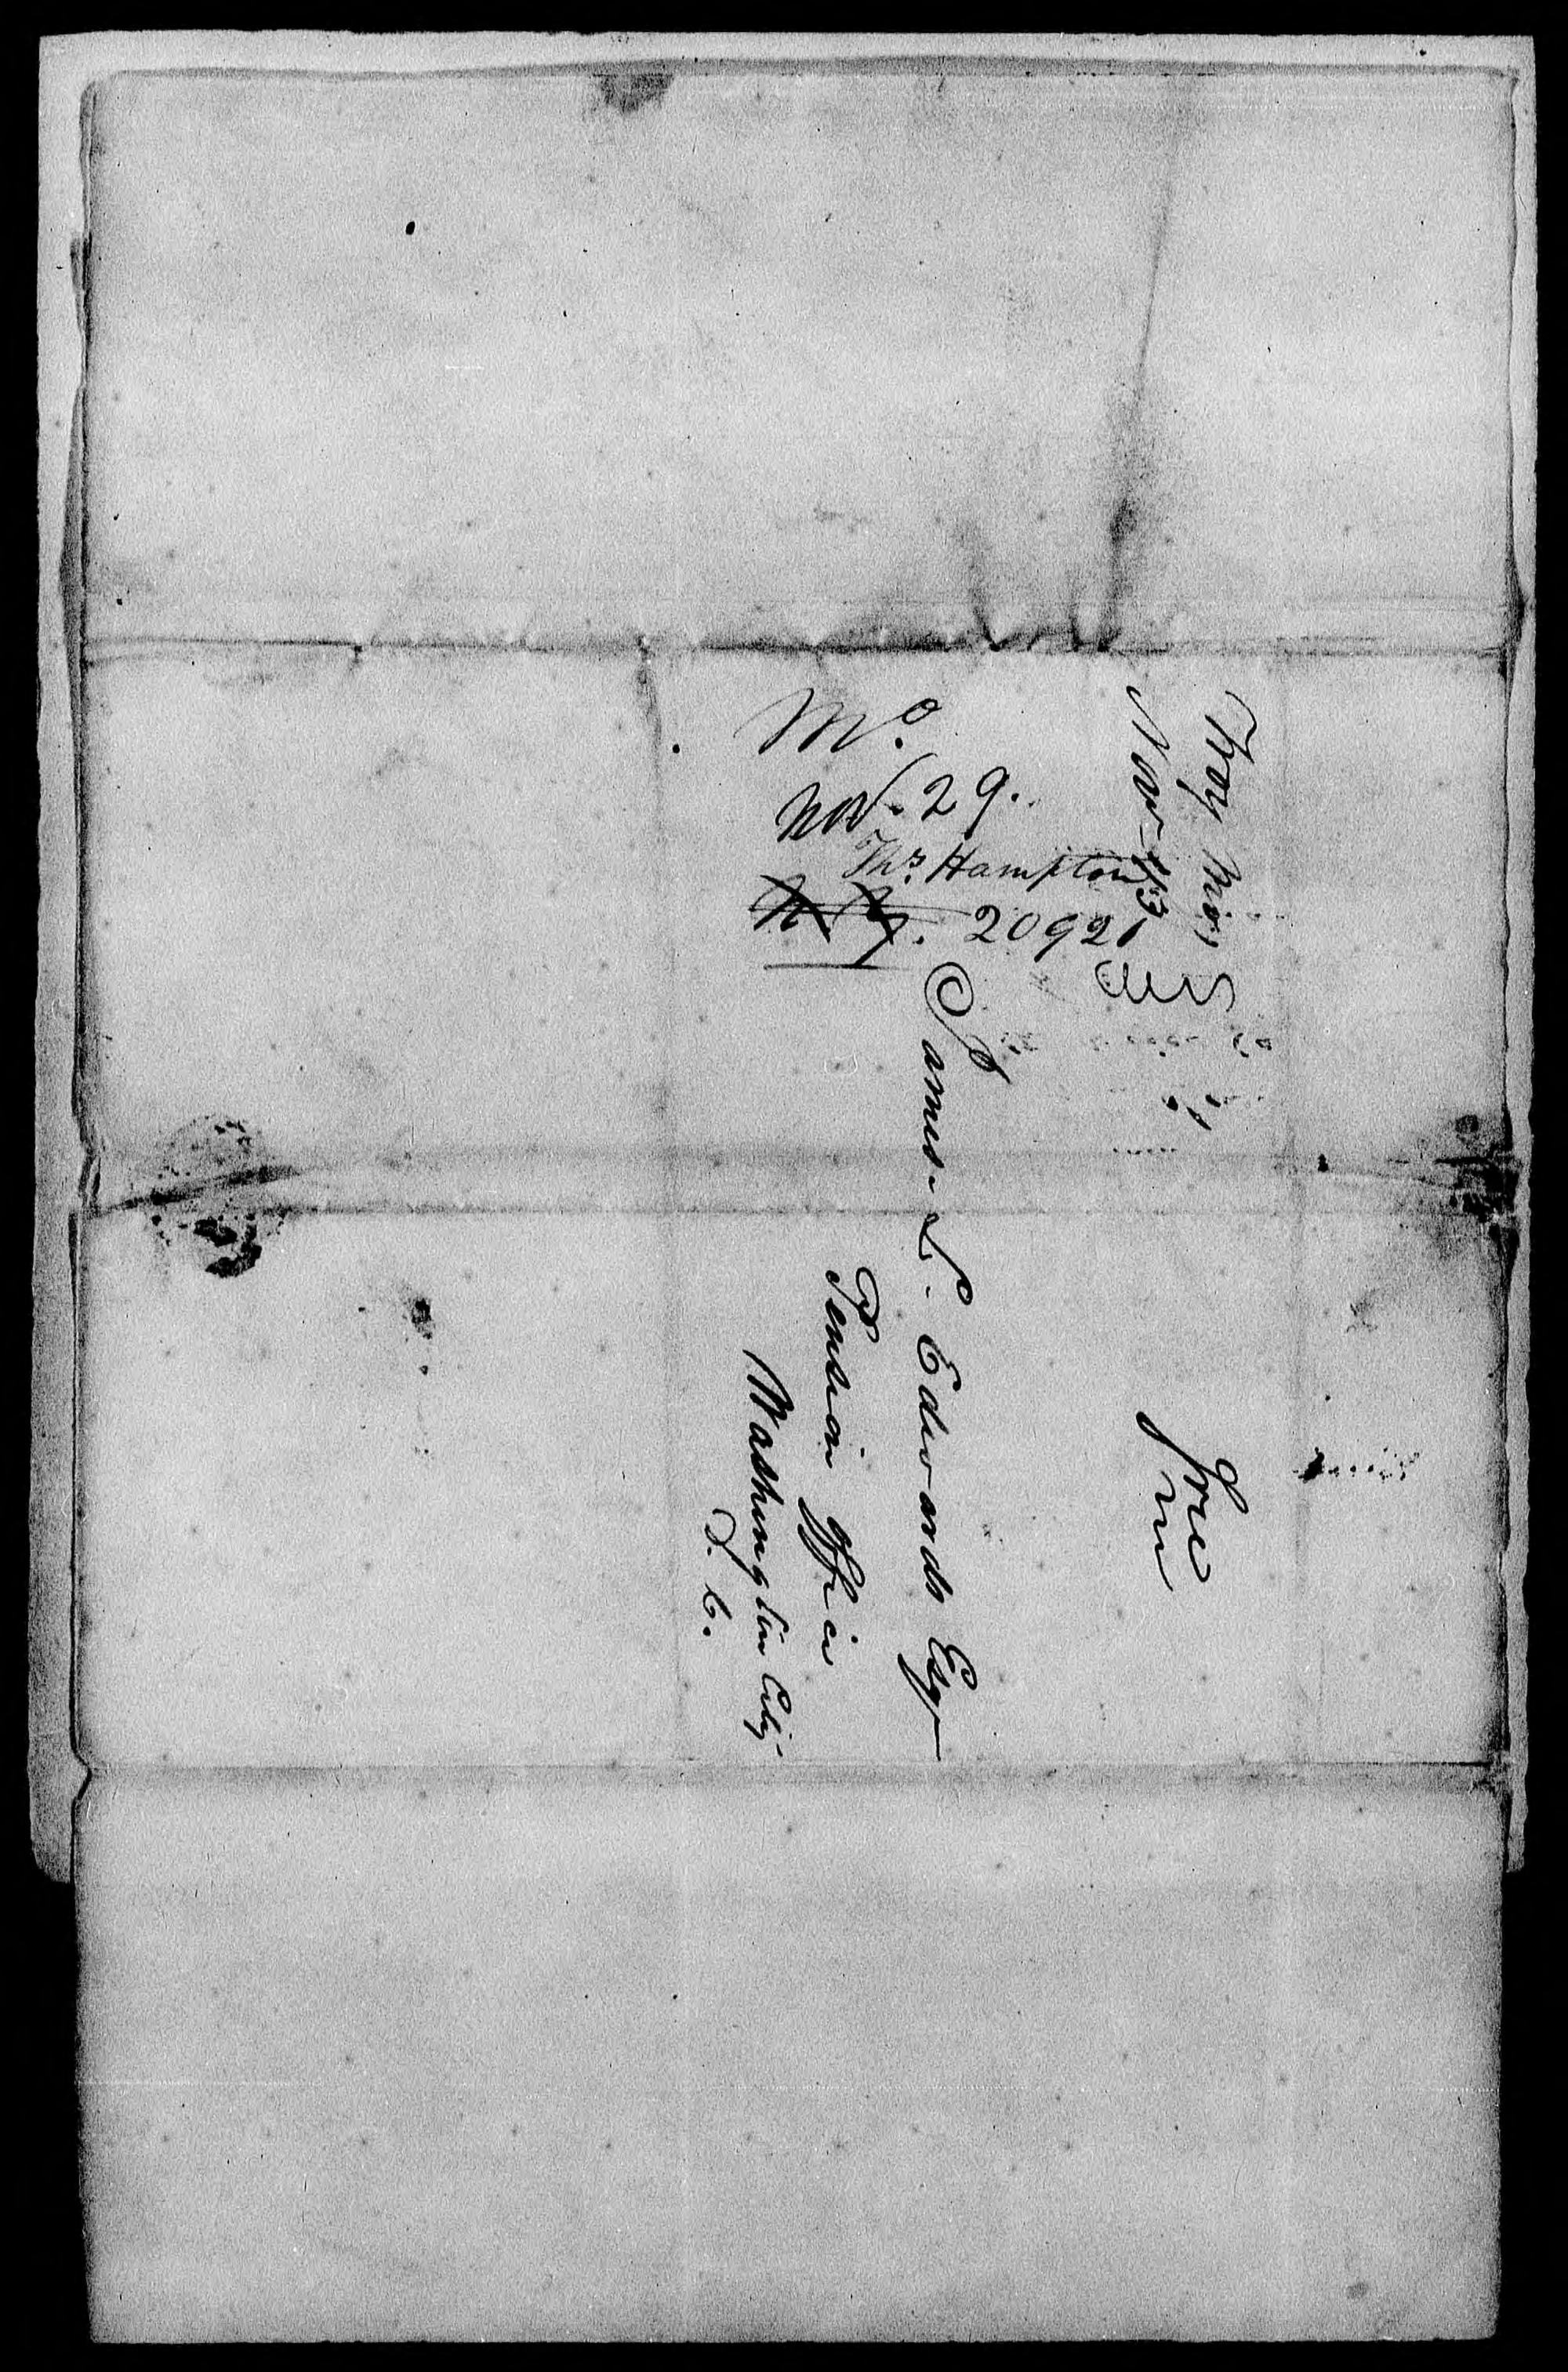Mo.
Nov 29.
Ths. Hampton
20921

Free

Troy Mo
Nov 1/3

James L. Edwards Esq
Pension office
Washington City
D.C.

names: James L Edwards, Ths Hampton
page: 26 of 26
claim: survivor's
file: S. 16842, Thomas Hampton, Va.